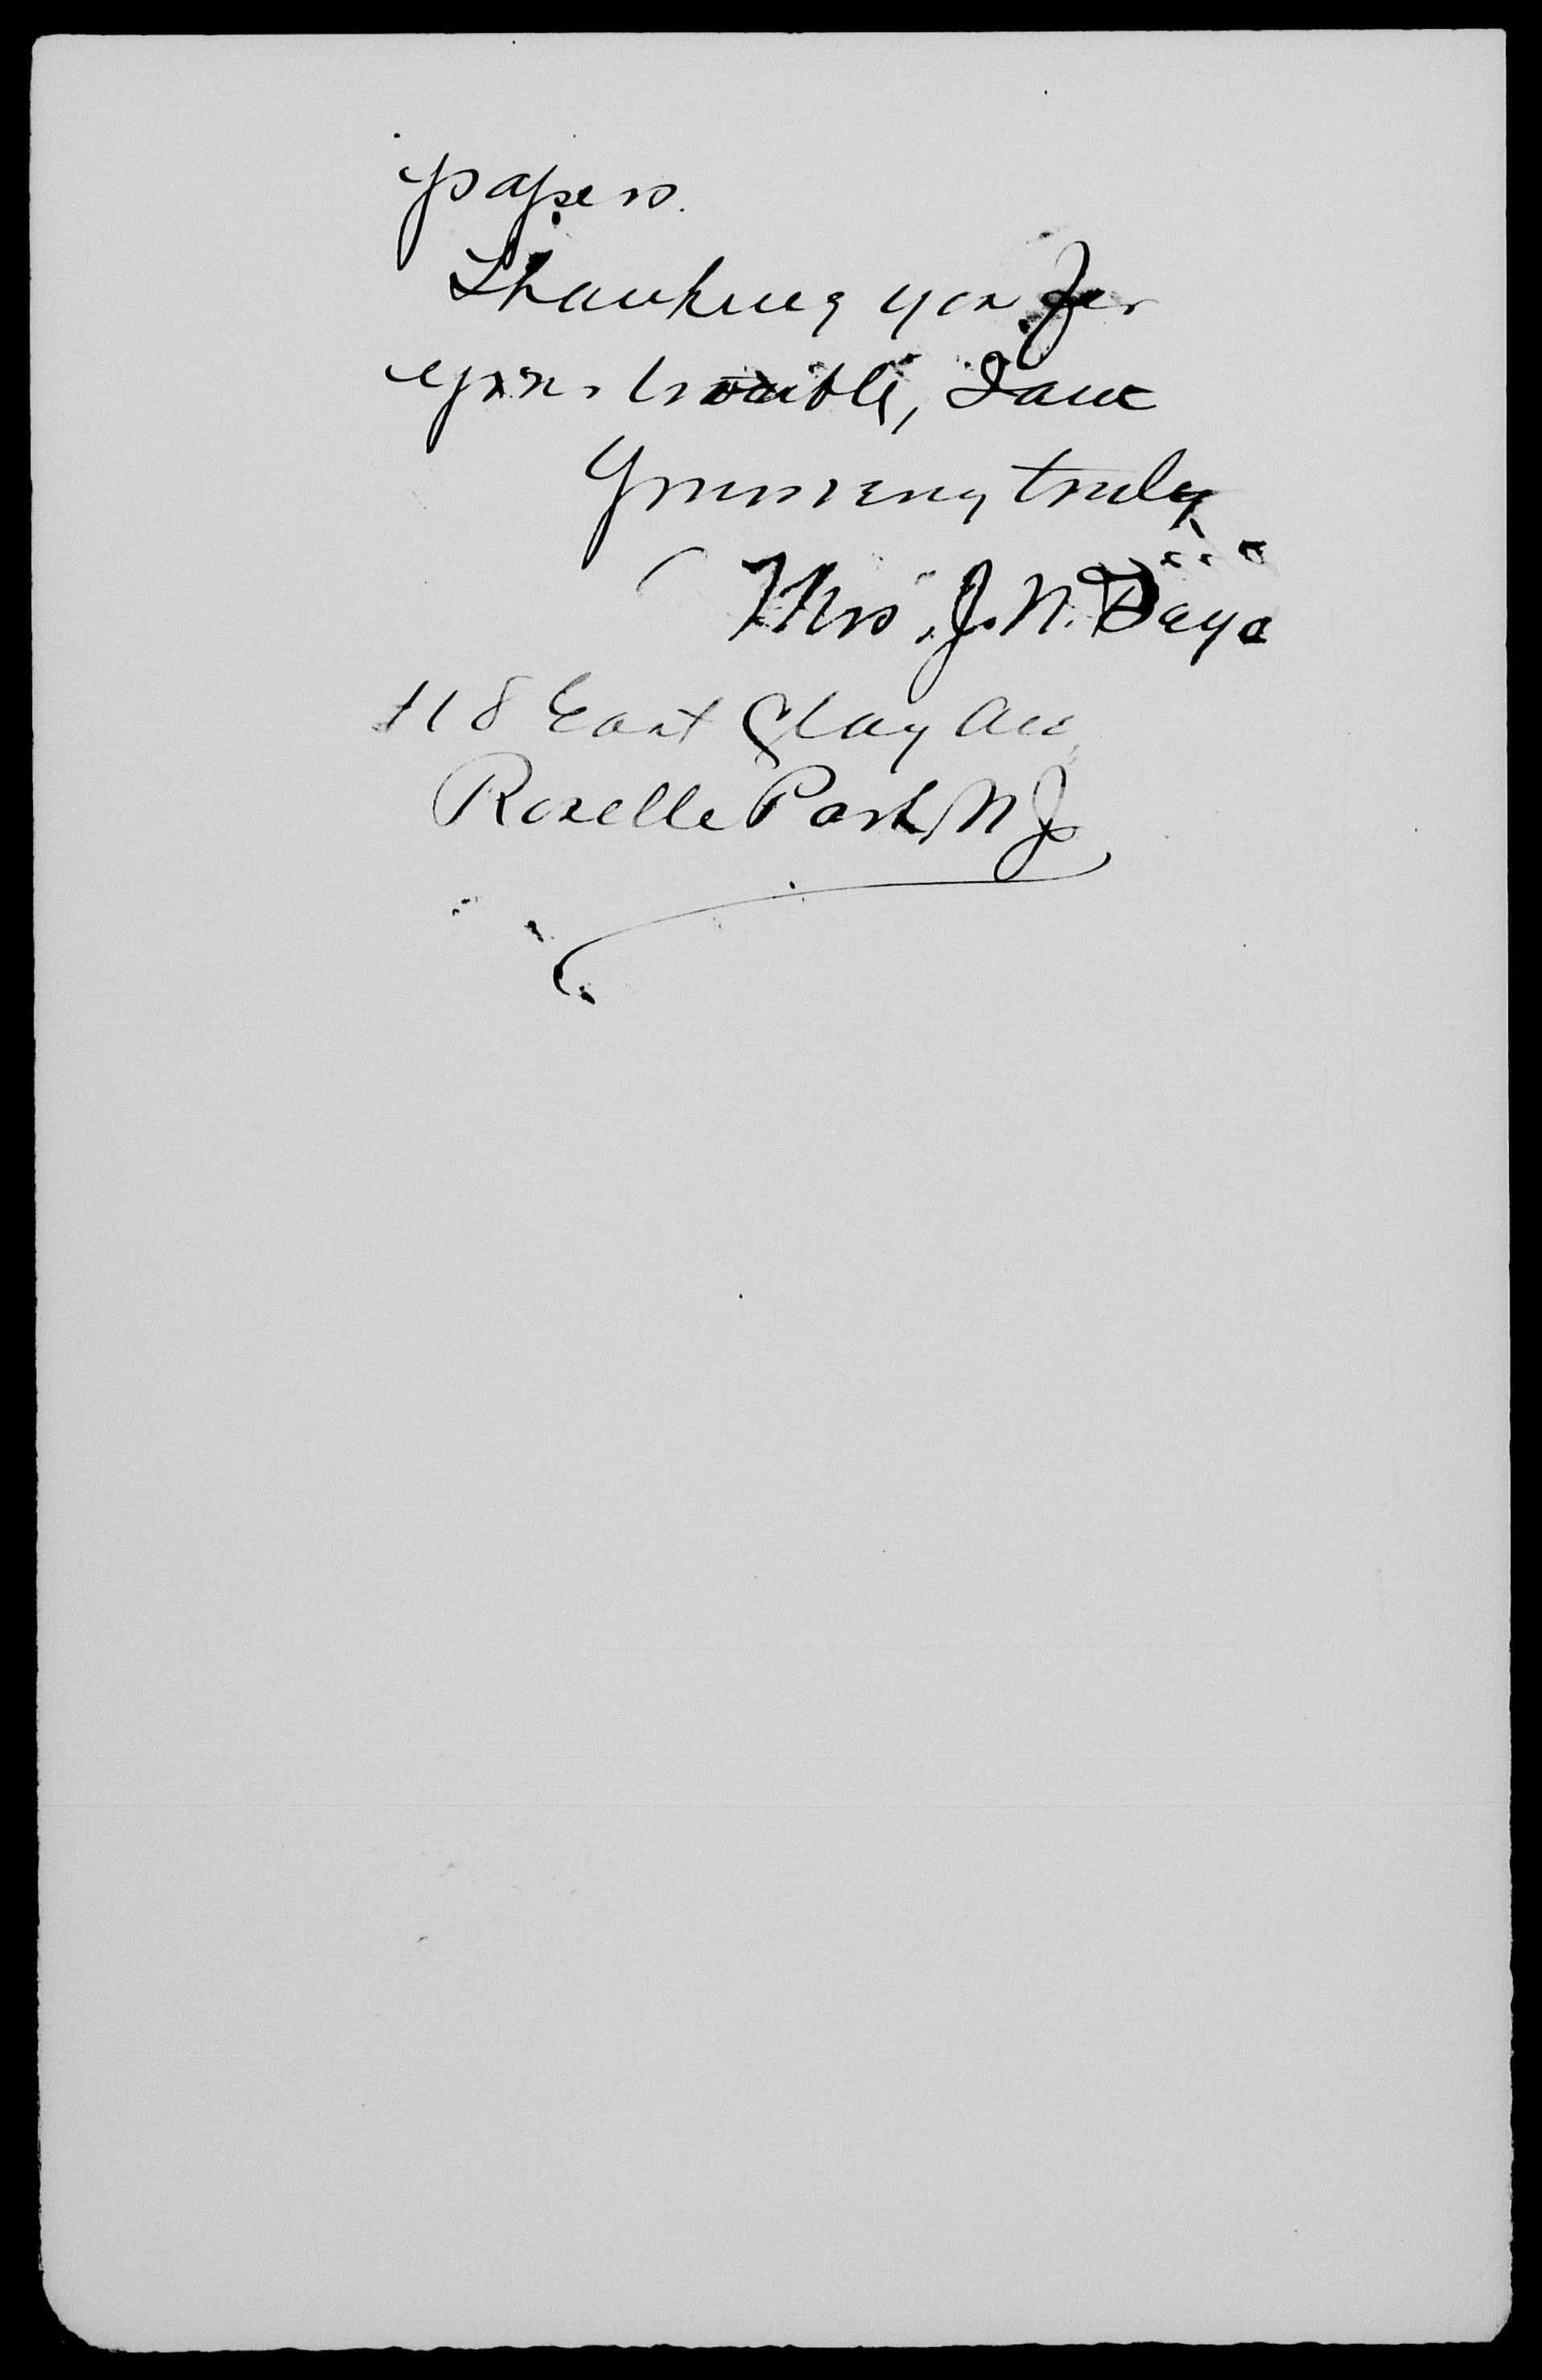papers. 
Thanking you for your trouble, I am [illegible] truly 
Mrs J. N. Day 
118 East Clay Ave. 
Roselle Park NJ. ---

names: J N Deyo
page: 42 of 45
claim: survivor's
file: S. 15748, Elihu Benham, Conn.